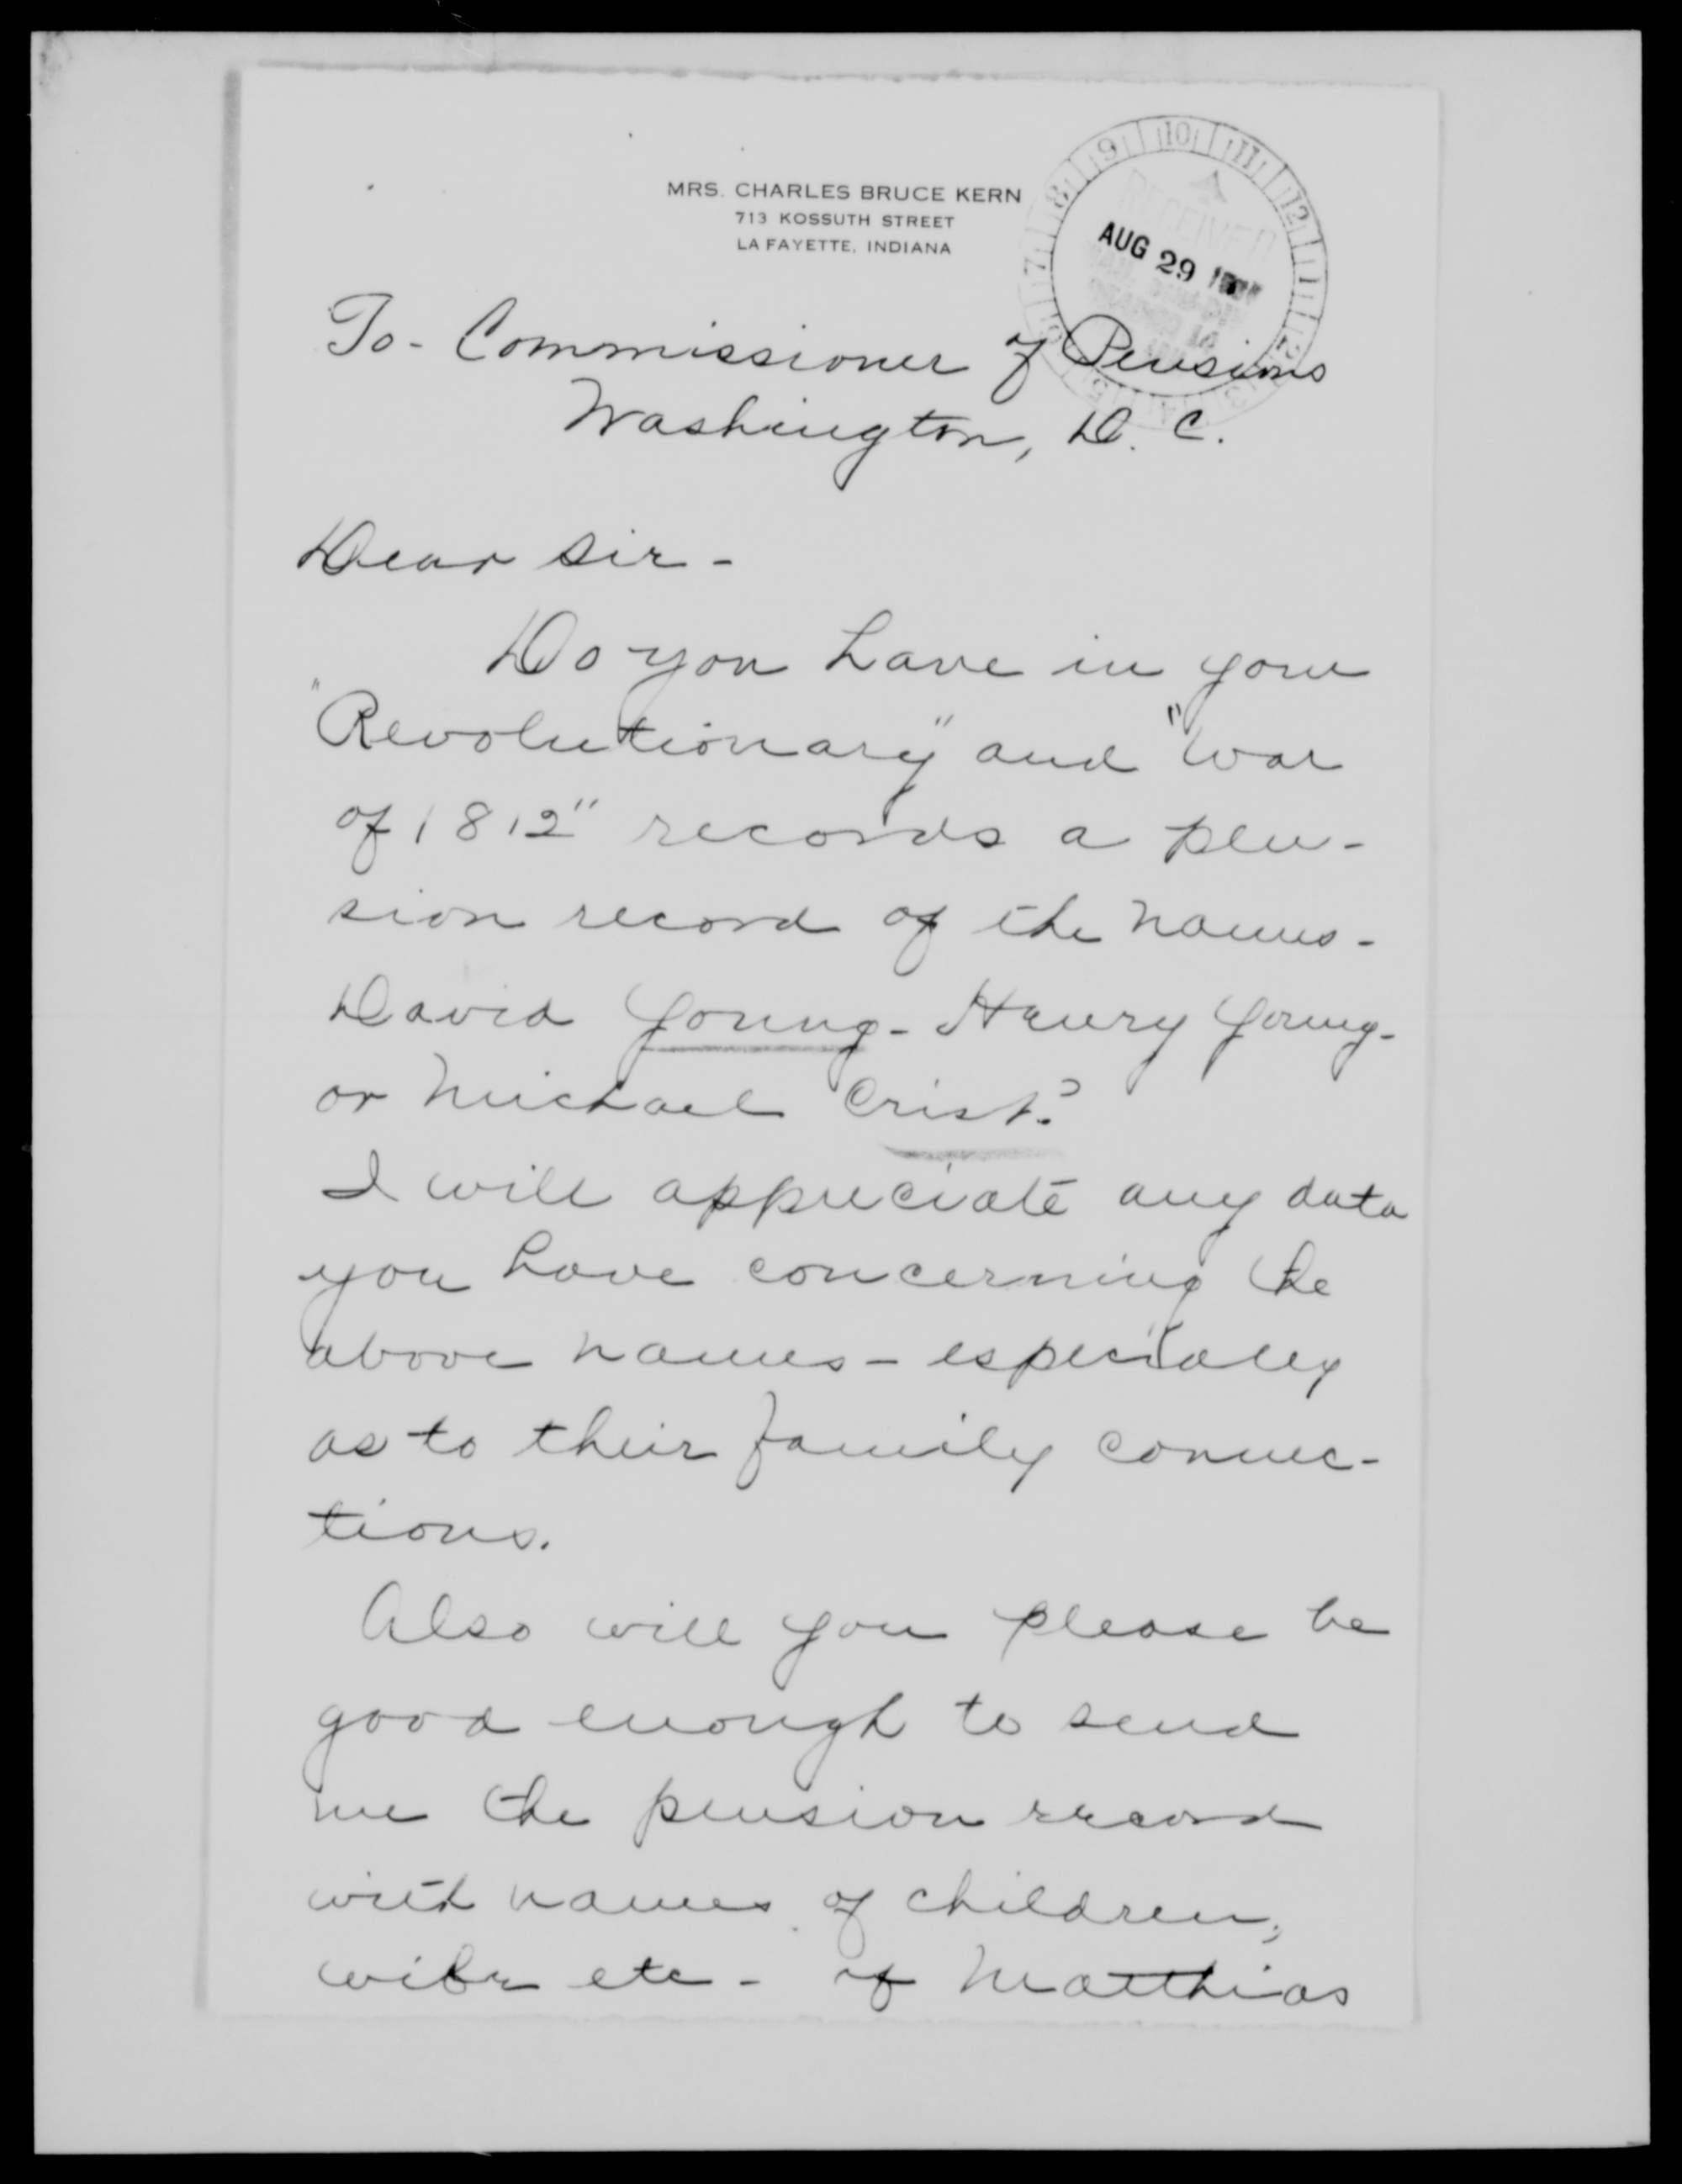[circle stamp]
RECEIVED
AUG 29 1936
MAIL SUB-DIV
READER #14
VETS ADM

MRS CHARLES BRUCE KERN
713 KOSSUTH STREET
LAFAYETTE, INDIANA

To Commissioner of Pensions
Washington, D.C.

Dear Sir
Do you have in your
Revolutionary, and War
of 1812 records a pension
record of the names-
David Young- Henry Young
or Michael Crist?
I will appreciate any data
you have concerning the
above names - especially
as to their family connections.
Also will you please be
good enough to send
we the pension record
with names of children.
wife etc. of Matthias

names: David Young, Matthias, Michael Crist, Henry Young, Charles Bruce Kern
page: 68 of 123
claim: rejected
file: R. 11,949, Matthias Young, Md.